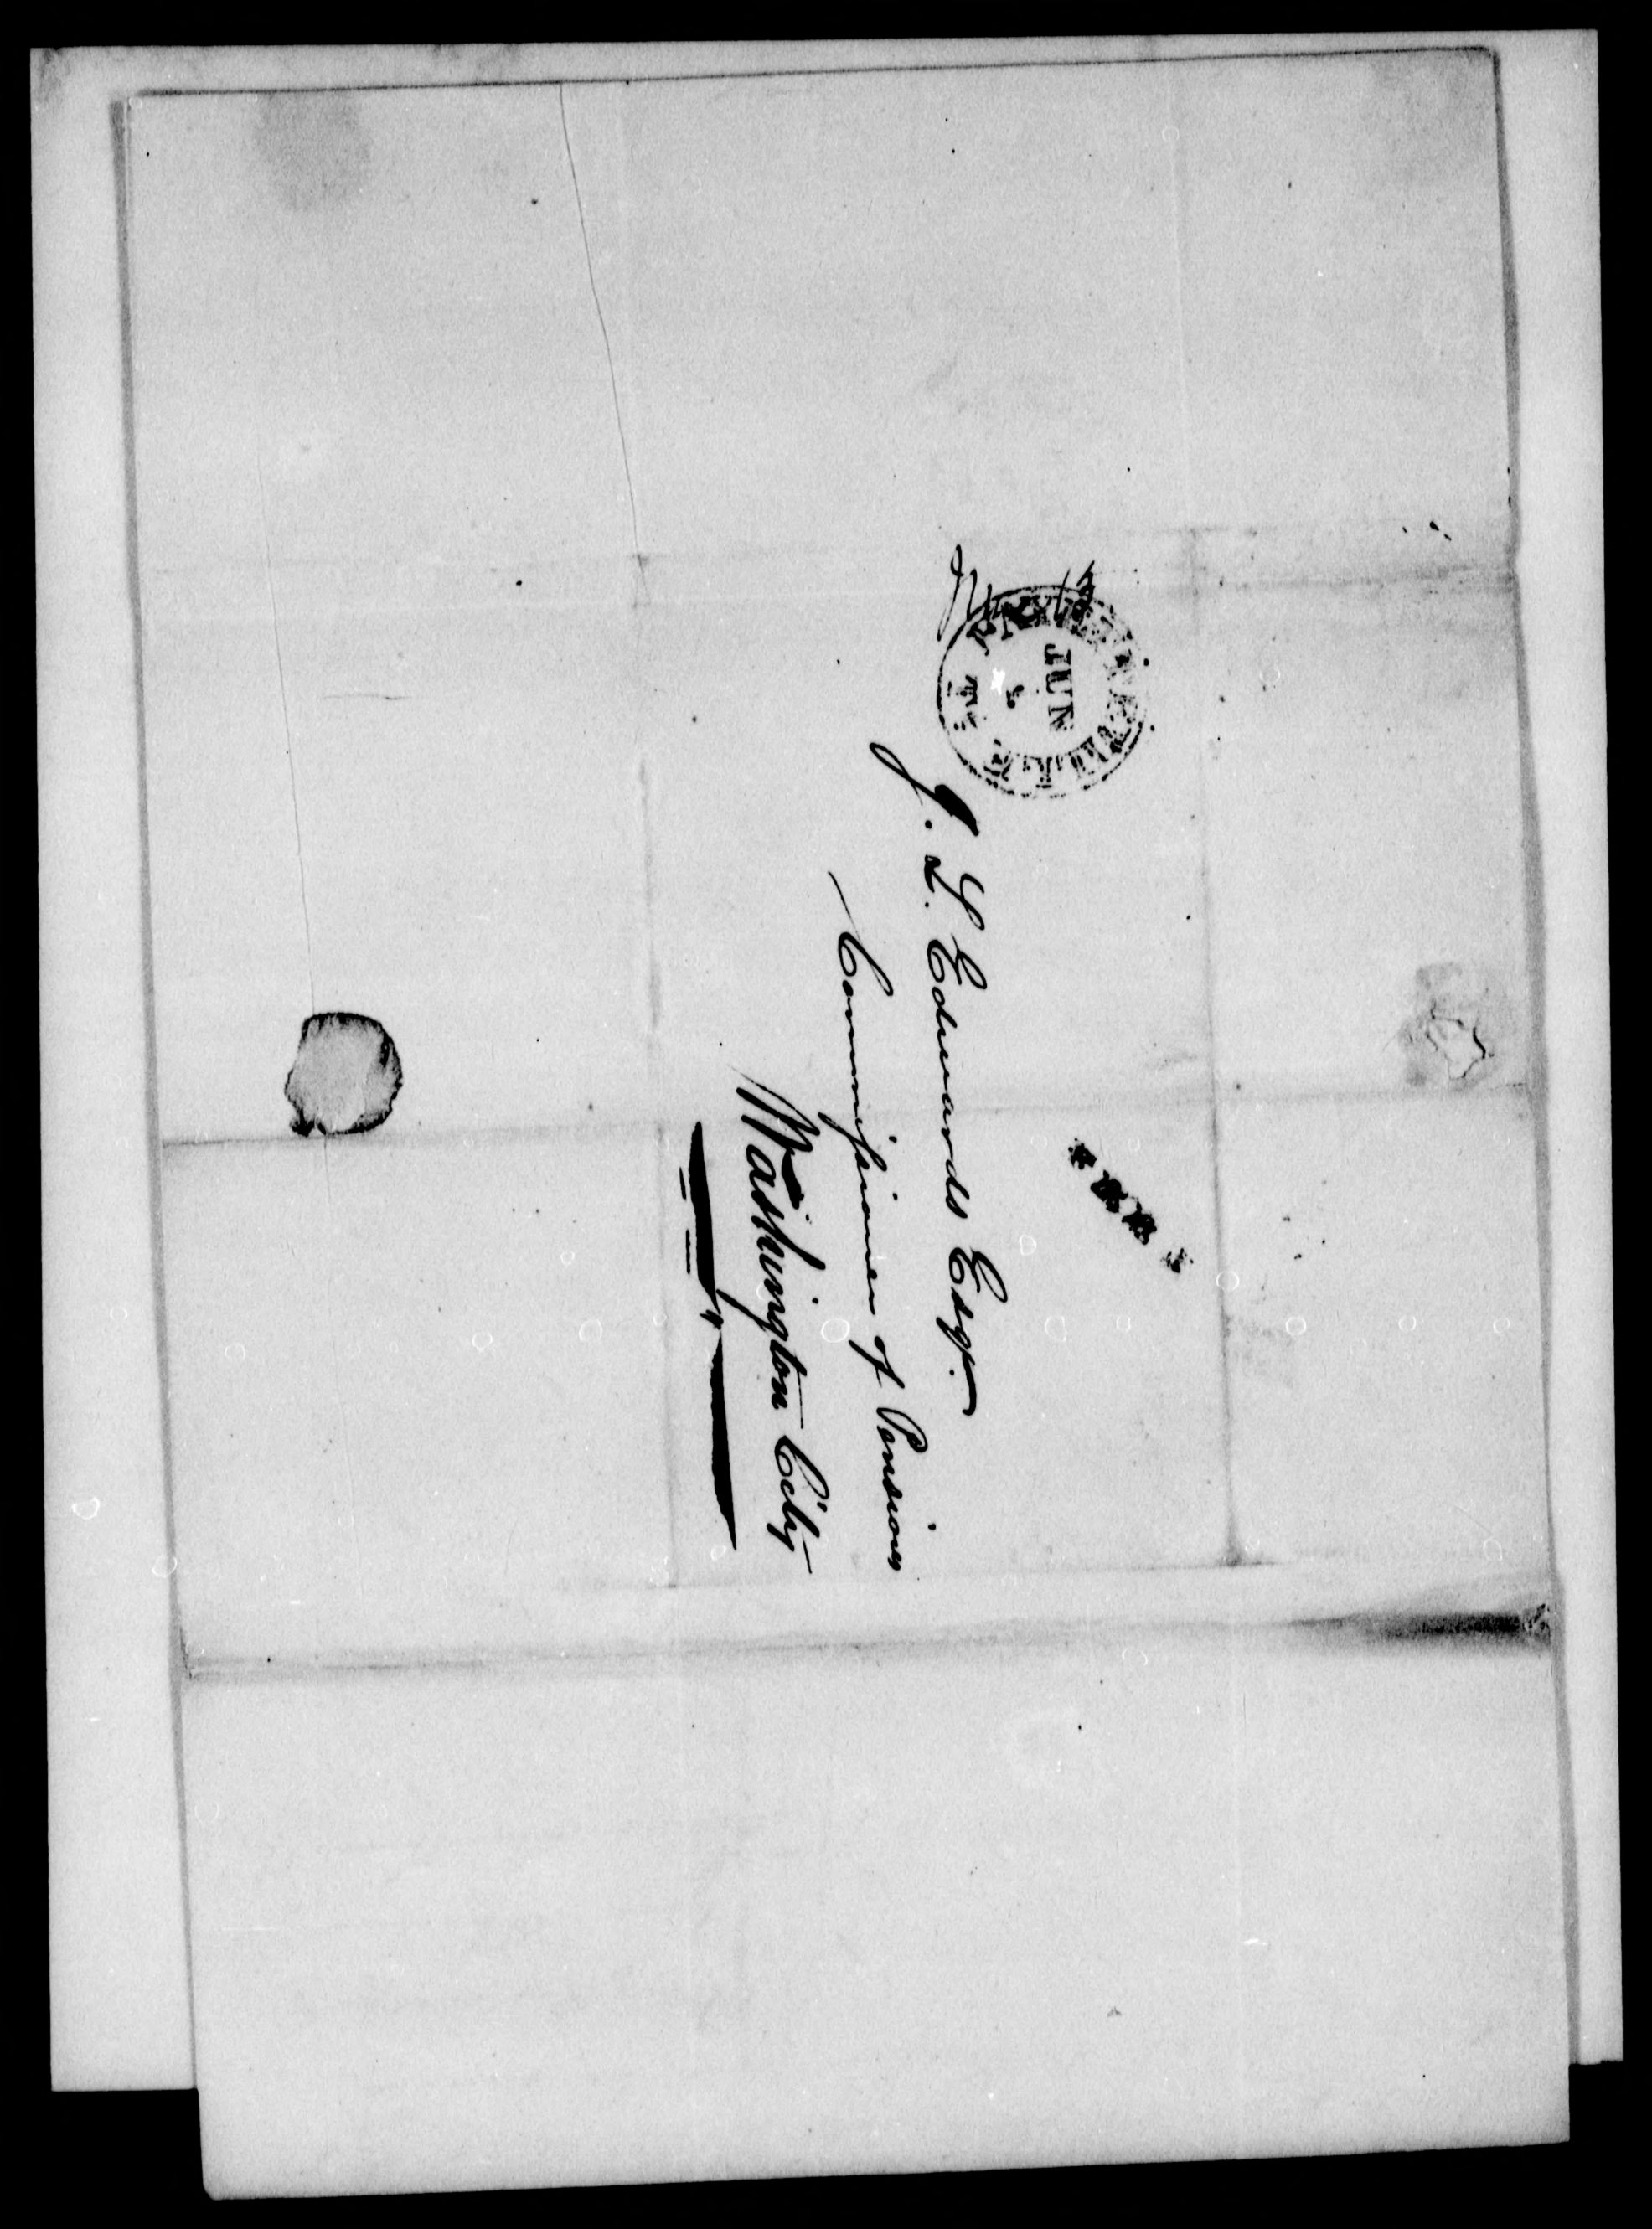Circular stamp: JUN

J. L. Edwards Esqr.
Commissioner of Pensions
Washington City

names: J L Edwards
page: 54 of 105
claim: survivor's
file: S. 1883, Richard Vernon, N.C.